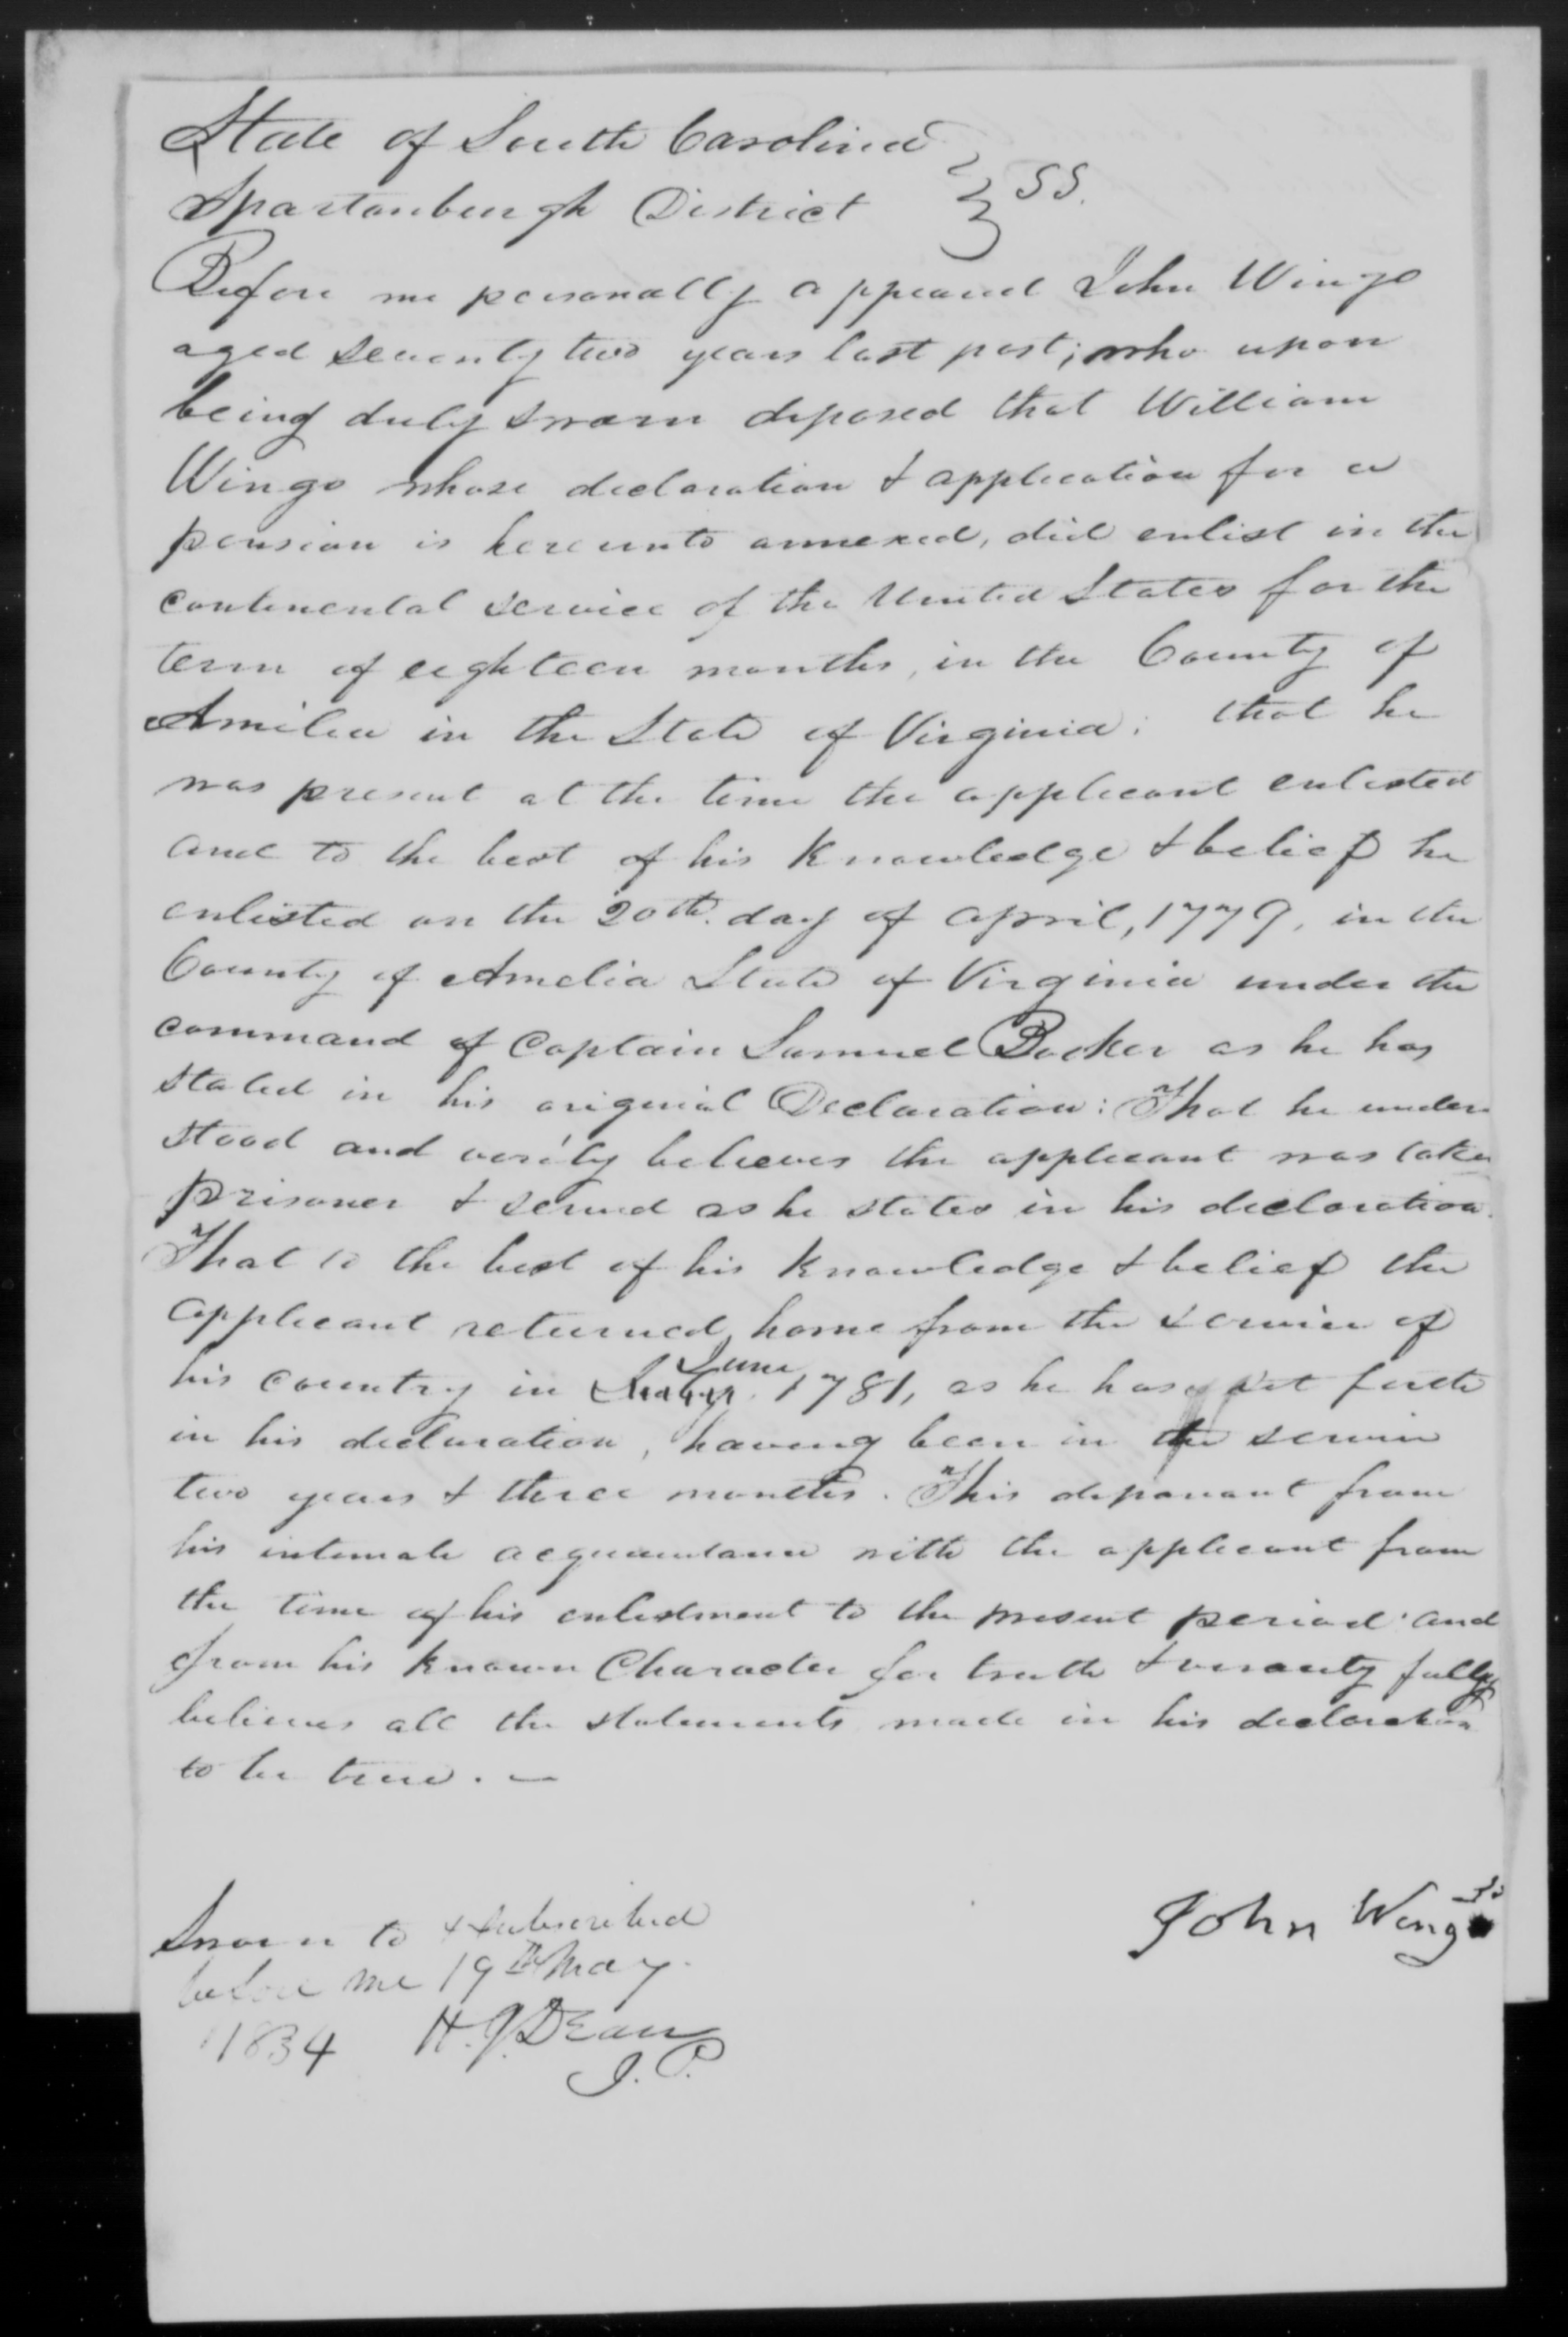State of South Carolina Spartanburgh District} SS.
Before me personally appeared John Wingo aged seventy two years last past; who upon being duly sworn deposed that William Wingo who declaration & application for a pension is hereunto annexed, did enlist in the continental service of the United States for the term of eighteen months, in the County of Amilia in the State of Virginia. that he was present at the time the applicant enlisted and to the best of his knowledge & belief he enlisted on the 20th day of April, 1779, in the County of Amelia State of Virginia under the command of Captain Samuel Becker as he has stated in his original Declaration: That he understood and verily believes the applicant was taken prisoner & served as he states in his declaration. That to the best of his knowledge & belief the applicant returned home from the service of his county in June 1781, as he has set forth in his declaration, having been in the service two years & three months. This deponant from his intimate acquaintance with the applicant from the time of his enlistment to the present period and from his known Character for truth & veracity fully believes all the statements made in his declaration to be true. John Wingo
Sworn to & Subscribed before me 19th May. 1834 H. J. Dean J. P.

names: William Wingo, Samuel Booker, H J Dean, John Wingo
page: 14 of 19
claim: survivor's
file: S. 7,896, William Wingo, Va.